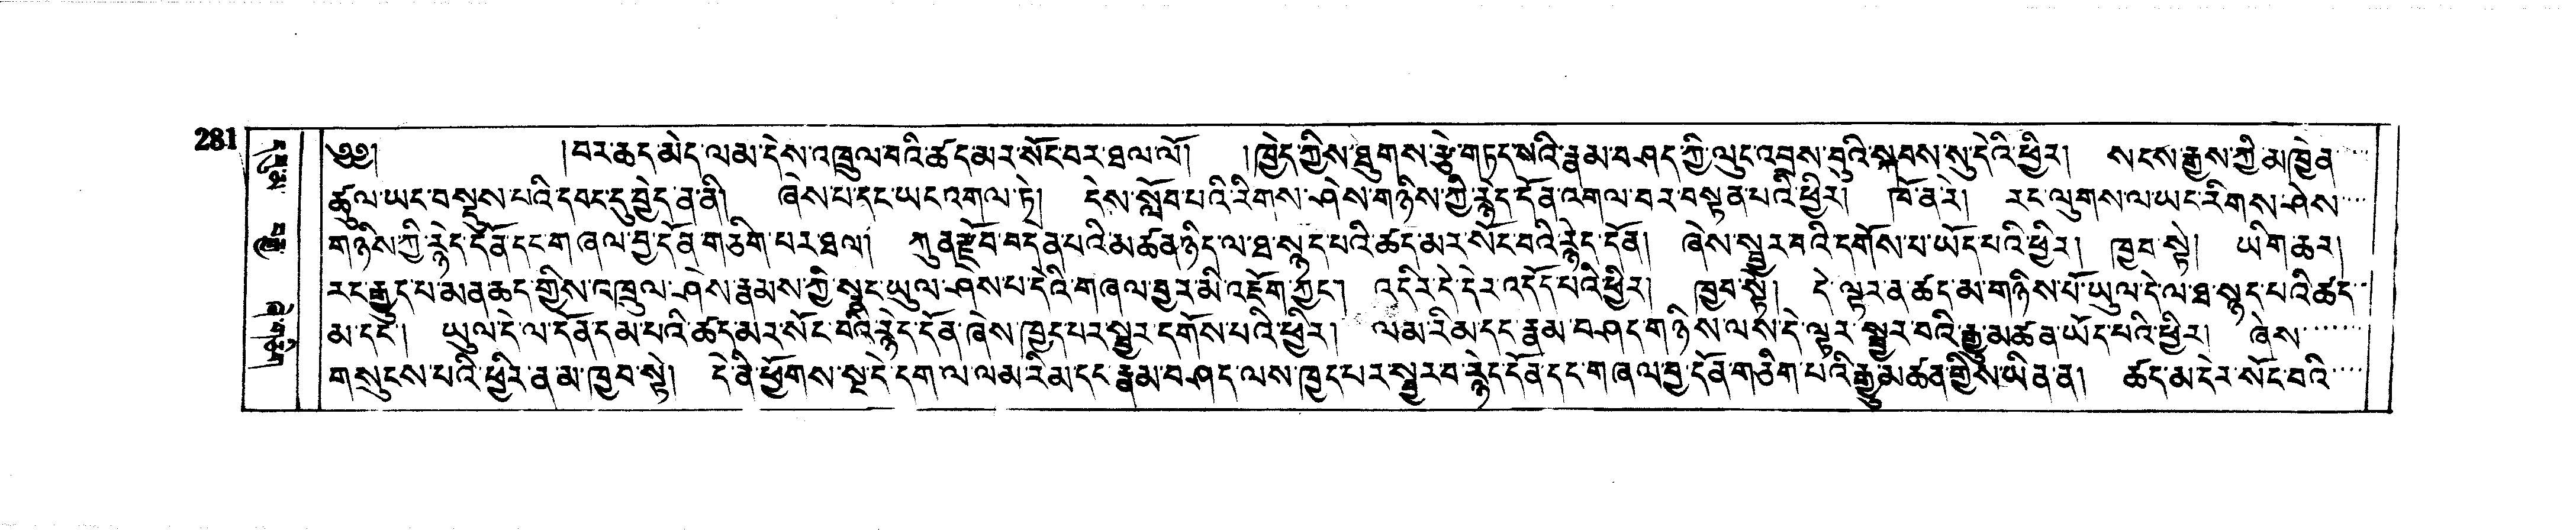༄༅། །བར་ཆད་མེད་ལམ་དེས་འཁྲུལ་བའི་ཚད་མར་སོང་བར་ཐལ་ལོ། །ཁྱེད་ཀྱིས་ཐུགས་རྩེ་གཏད་སའི་རྣམ་བཤད་ཀྱི་ལུང་འབྲས་བུའི་སྐབས་སུ་དེའི་ཕྱིར། སངས་རྒྱས་ཀྱི་མཁྱེན་
ཚུལ་ཡང་བསྡུས་པའི་དབང་དུ་བྱེད་ན་ནི། ཞེས་པ་དང་ཡང་འགལ་ཏེ། དེས་སློབ་པའི་རིགས་ཤེས་གཉིས་ཀྱི་རྙེད་དོན་འགལ་བར་བསྟན་པའི་ཕྱིར། ཁོ་ན་རེ། རང་ལུགས་ལ་ཡང་རིགས་ཤེས་
གཉིས་ཀྱི་རྙེད་དོན་དང་གཞལ་བྱ་དོན་གཅིག་པར་ཐལ། ཀུན་རྫོབ་བདེན་པའི་མཚན་ཉིད་ལ་ཐ་སྙད་པའི་ཚད་མར་སོང་བའི་རྙེད་དོན། ཞེས་སྦྱར་བའི་དགོས་པ་ཡོད་པའི་ཕྱིར། ཁྱབ་སྟེ། ཡིག་ཆར།
རང་རྒྱུད་པ་མན་ཆད་གྱིས་འཁྲུལ་ཤེས་རྣམས་ཀྱི་སྣང་ཡུལ་ཤེས་པ་དེའི་གཞལ་བྱར་མི་འཇོག་ཀྱང་། འདིར་དེ་དེར་འདོད་པའི་ཕྱིར། ཁྱབ་སྟེ། དེ་ལྟར་ན་ཚད་མ་གཉིས་པོ་ཡུལ་དེ་ལ་ཐ་སྙད་པའི་ཚད་
མ་དང་། ཡུལ་དེ་ལ་དོན་དམ་པའི་ཚད་མར་སོང་བའི་རྙེད་དོན་ཞེས་ཁྱད་པར་སྦྱར་དགོས་པའི་ཕྱིར། ལམ་རིམ་དང་རྣམ་བཤད་གཉིས་ལས་དེ་ལྟར་སྦྱར་བའི་རྒྱུ་མཚན་ཡོད་པའི་ཕྱིར། ཞེས་
གསུངས་པའི་ཕྱིར་ན་མ་ཁྱབ་སྟེ། དེ་ནི་ཕྱོགས་སྔ་དེ་དག་ལ་ལམ་རིམ་དང་རྣམ་བཤད་ལས་ཁྱད་པར་སྦྱར་བ་རྙེད་དོན་དང་གཞལ་བྱ་དོན་གཅིག་པའི་རྒྱུ་མཚན་གྱིས་ཡིན་ན། ཚད་མ་དེར་སོང་བའི་